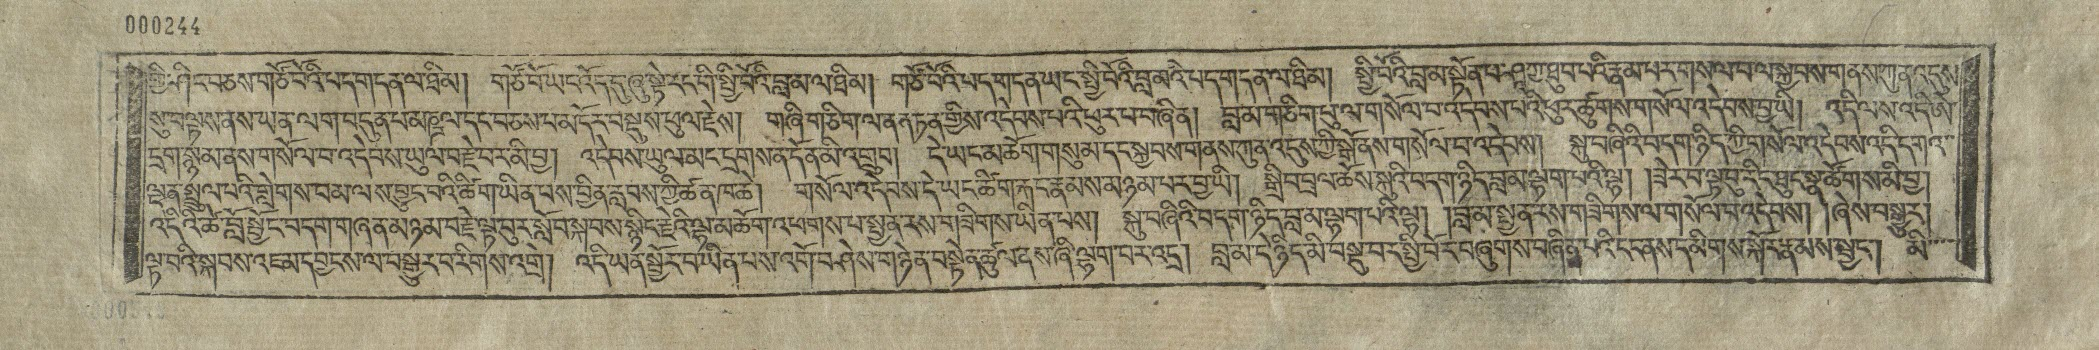གྱི་ཤིང་བཅས་གཙོ་བོའི་པད་གདན་ལ་ཐིམ། གཙོ་བོ་ཡང་འོད་དུ་ཞུ་སྟེ་རང་གི་སྤྱི་བོའི་བླ་མ་ལ་ཐིམ། གཙོ་བོའི་པད་གདན་ཡང་སྤྱི་བོའི་བླ་མའི་པད་གདན་ལ་ཐིམ། སྤྱི་བོའི་བླ་མ་སྟོན་པ་ཤཱཀྱ་ཐུབ་པའི་རྣམ་པར་གསལ་བ་ལ་སྐྱབས་གནས་ཀུན་འདུས་
སུ་བལྟས་ནས་ཡན་ལག་བདུན་པ་མཎྜལ་དང་བཅས་པ་མདོར་བསྡུས་ཕུལ་རྗེས། གཞི་གཅིག་ལ་ནན་ཏན་གྱིས་འདེབས་པའི་ཕུར་པ་བཞིན། བླ་མ་གཅིག་པུ་ལ་གསོལ་བ་འདེབས་པའི་ཕུར་ཚུགས་གསོལ་འདེབས་བྱ་ཡི། འདི་ལས་འདི་ཨེ་
དྲག་སྙམ་ནས་གསོལ་བ་འདེབས་ཡུལ་བརྗེ་བར་མི་བྱ། འདེབས་ཡུལ་མང་དྲགས་ན་དོན་མི་འགྲུབ། དེ་ཡང་མཆོག་གསུམ་དང་སྐྱབས་གནས་ཀུན་འདུས་ཀྱི་སྒོ་ནས་གསོལ་བ་འདེབས། སྐུ་བཞིའི་བདག་ཉིད་ཀྱི་གསོལ་འདེབས་འདི་དགའ་
ལྡན་སྤྲུལ་པའི་གླེགས་བམ་ལས་བྱུང་བའི་ཚིག་ཡིན་པས་བྱིན་རླབས་ཀྱི་ཚན་ཁ་ཆེ། གསོལ་འདེབས་དེ་ཡང་ཚིག་རྐང་རྣམས་མཉམ་པར་བྱ་ཡི། སྒྲིབ་བྲལ་ཆོས་སྐུའི་བདག་ཉིད་བླ་མ་ལྷག་པའི་ལྷ། །ཟེར་བ་ལྟ་བུ་རིང་ཐུང་སྣ་ཚོགས་མི་བྱ།
འདིའི་ཚེ་བློ་སྦྱོང་བདག་གཞན་མཉམ་བརྗེ་ལྟ་བུར་སློབ་སྐབས་སྙིང་རྗེའི་ལྷ་མཆོག་འཕགས་པ་སྤྱན་རས་གཟིགས་ཡིན་པས། སྐུ་བཞིའི་བདག་ཉིད་བླ་མ་ལྷག་པའི་ལྷ། །བླ་མ་སྤྱན་རས་གཟིགས་ལ་གསོལ་བ་འདེབས། །ཞེས་བསྒྱུར།
ལྟ་བའི་སྐབས་འཇམ་དབྱངས་ལ་བསྒྱུར་བ་རིགས་འགྲེ། འདི་ཡན་སྦྱོར་བ་ཡིན་པས་འགོ་བཤེས་གཉེན་བསྟེན་ཚུལ་ནས་ཞི་ལྷག་བར་འདྲ། བླ་མ་དེ་ཉིད་མི་བསྡུ་བར་སྤྱི་བོར་བཞུགས་བཞིན་པའི་ངང་ནས་དམིགས་སྐོར་རྣམས་སྦྱང་། མི་